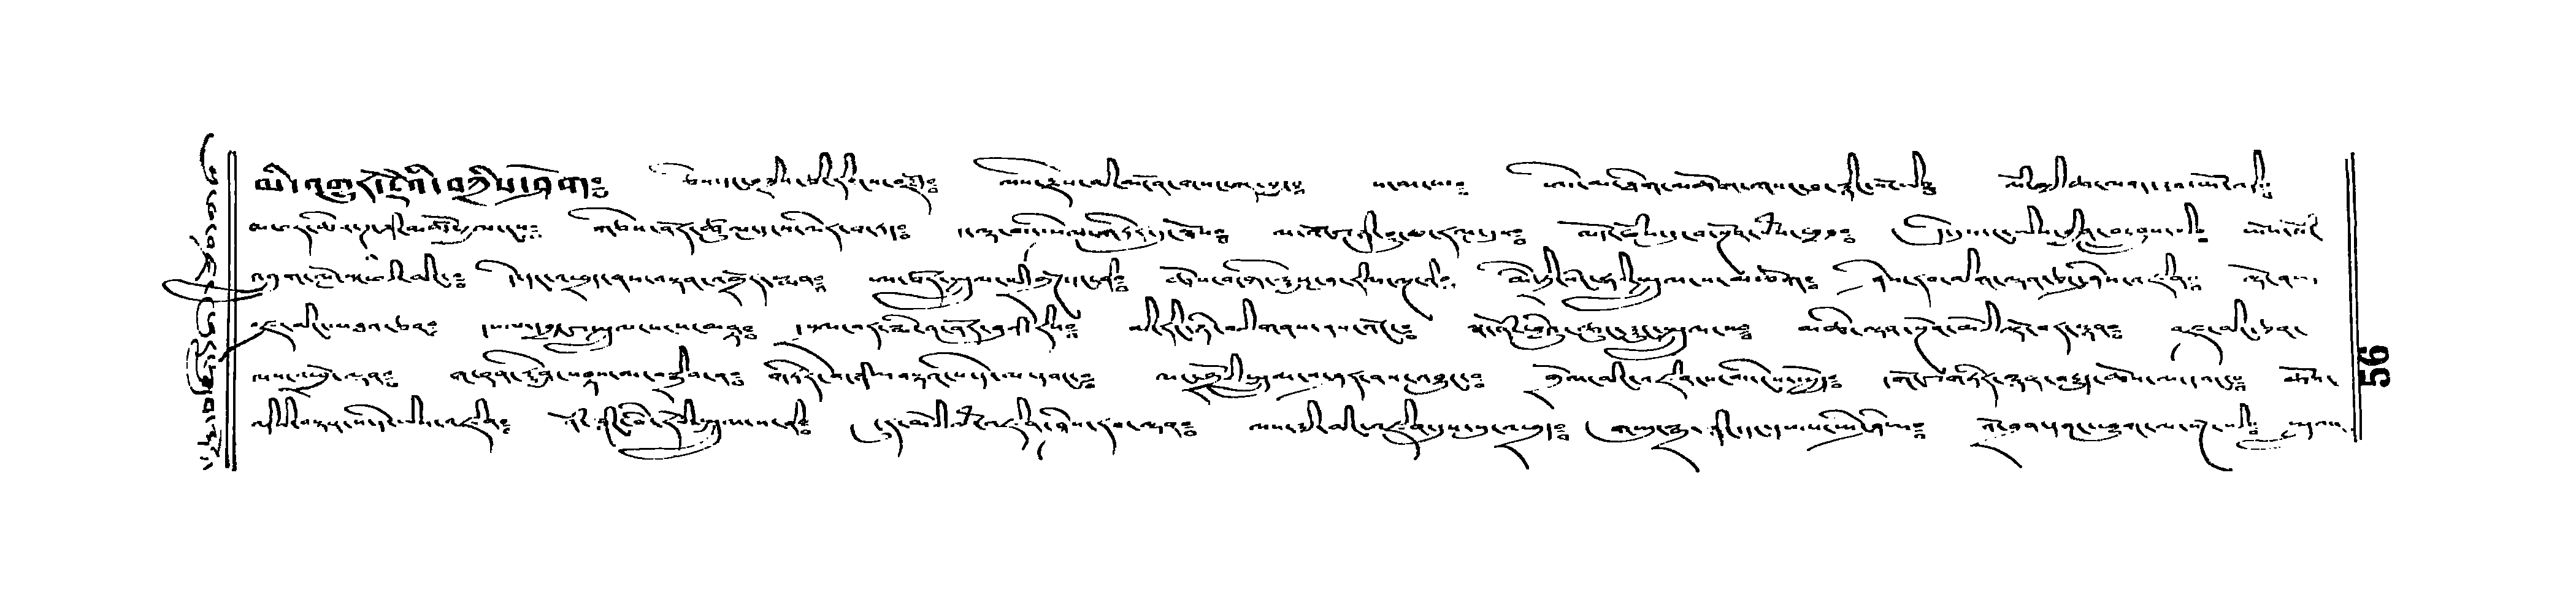མི་འགྱུར་རྡོ་རྗེའི་བཀྲ་ཤིས་ཤོག༔ ཅེས་དང་བཀྲ་ཤིས་ཅི་རིགས་བརྗོད༔ ལས་རྗེས་མི་མངོན་གསང་བར་བྱ༔ ས་མ་ཡ༔ ཨེ་མ་ཐེག་མཆོག་གསང་བ་སྙིང་པོ་ཡི༔ ལམ་གྱི་ཆ་ལག་ཟབ་མོ་འདི༔ 
མཁར་ཆེན་ཌཱ་ཀི་མཚོ་རྒྱལ་ངས༔ གཅེས་ནོར་ཚུལ་དུ་ས་ལེར་གཏད༔ ད་ལྟ་མ་སྤེལ་གཏེར་དུ་སྦོས༔ མ་འོངས་ཉི་ཤུ་ཁ་རལ་དུས༔ མདོ་ཁམས་དུ་བ་སྔོན་པོས་ཁྱབ༔ དེ་དུས་ང་ཡིས་བྱིན་བརླབས་པའི༔ ཡོས་སམ་
འབྲུག་ལོ་སུ་ཁའི་མིང༔ དེ་དང་འཕྲད་ནས་བསྟན་འགྲོར་སྨན༔ ཨ་ཙར་སྤྲུལ་པའི་གྲོགས་དང་ནི༔ ཆོས་བདག་སྐྱེས་བུ་རིམ་ལྔ་ནི༔ མཻ་ཏྲི་སེང་ཧའི་སྤྲུལ་པ་མཆོག༔ ཤེས་རབ་མིག་ལྡན་ཅང་ཤེས་འཛིན༔ ལྷོ་ནས་
བཛྲ་མིང་མཐའ་ཅན༔ དཔལ་དབྱངས་སྤྲུལ་པ་ས་མནྟ༔ དཔྲལ་བར་སྨེ་བ་ནོར་བུའི་རིས༔ མི་རིང་ཉེ་བའི་གནས་ནས་འོང༔ སྣ་ནམ་ཁྱེའུ་ཆུང་ཟུང་སྤྲུལ་པ༔ མཆེ་ལྡན་སྔོན་མོའི་ལྟོ་བར་སྙན༔ བཛྲ་མིང་ཅན་
ལས་འཕྲོ་ལྡན༔ གཞན་རྐྱེན་སཔྟས་མ་བསྒྲིབས་ན༔ གཏེར་གཉིས་བསྟན་པ་དེ་ལ་དབང༔ ལང་འགྲོའི་སྤྲུལ་བ་ཤར་ནས་འབྱུང༔ གྲོལ་མིང་འཛིན་པ་མ་ངེས་སྤྱོད༔ དགོངས་གཏེར་སྙན་བརྒྱུད་ཆོས་ལ་དབང༔ ཆོས་
འདིའི་བསྟན་པ་དེ་ཡིས་འཛིན༔ ནམ་སྙིང་བཻ་རོའི་སྤྲུལ་པ་ནི༔ ངུར་མོའི་ལོ་འཛིན་ཤེས་རབ་ལྡན༔ ལས་ཀྱི་མིང་འཛིན་དུས་སུ་འཕྲད༔ གཡུ་སྒྲ་སྙིང་དང་དཔལ་ཡེ་ཤེས༔ འོ་བྲན་དབང་ཕྱུག་ལ་སོགས་པའི༔ སྤྲུལ་